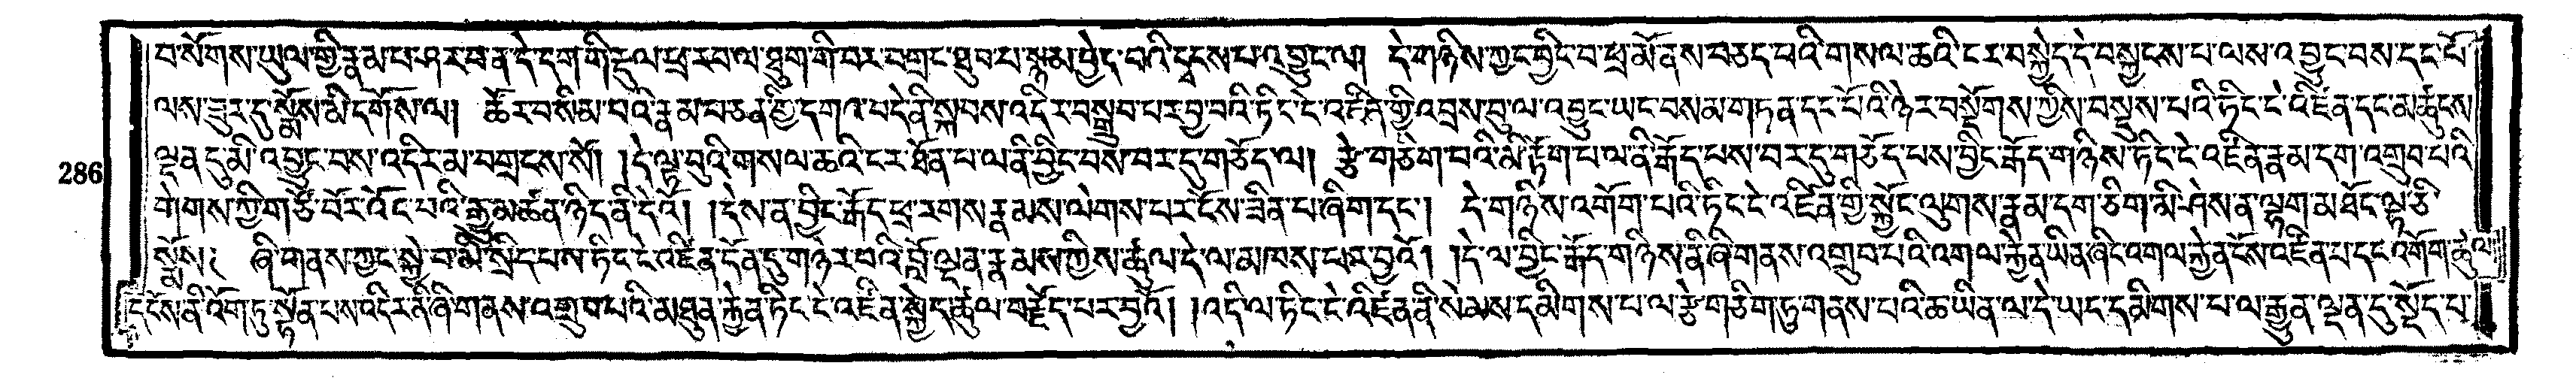བ་སོགས་ཡུལ་གྱི་རྣམ་པ་ཤར་བ་ན་དེ་དག་གི་རྡུལ་ཕྲ་རབ་ལ་ཐུག་གི་བར་བགྲང་ཐུབ་པ་སྙམ་བྱེད་པའི་དྭངས་པ་འབྱུང་ལ། དེ་གཉིས་ཀྱང་བྱིང་པ་ཕྲ་མོ་ནས་བཅད་པའི་གསལ་ཆའི་ངར་བསྐྱེད་དེ་བསྐྱངས་པ་ལས་འབྱུང་བས་དང་པོ་
ལས་ཟུར་དུ་སྨོས་མི་དོགས་ལ། ཚོར་བ་སིམ་བའི་རྣམ་བ་ཅན་གྱི་དགའ་བ་དེ་ནི་སྐབས་འདིར་བསྒྲུབ་པར་བྱ་བའི་ཏིང་ངེ་འཛིན་གྱི་འབྲས་བུ་ལ་འབྱུང་ཡང་བསམ་གཏན་དང་པོའི་ཉེར་བསྡོགས་ཀྱིས་བསྡུས་པའི་ཏིང་ངེ་འཛིན་དང་མཚུངས་
ལྡན་དུ་མི་འབྱུང་བས་འདིར་མ་བགྲངས་སོ། །དེ་ལྟ་བུའི་གསལ་ཆའི་ངར་ཐོན་པ་ལ་ནི་བྱིང་བས་བར་དུ་གཅོད་ལ། རྩེ་གཅིག་བའི་མི་རྟོག་པ་ལ་ནི་རྒོད་པས་བར་དུ་གཅོད་པས་བྱིང་རྒོད་གཉིས་ཏིང་ངེ་འཛིན་རྣམ་དག་འགྲུབ་པའི་
གེགས་ཀྱི་གཙོ་བོར་འོང་པའི་རྒྱུ་མཚན་ཉིད་ནི་དེའོ། །དེས་ན་བྱིང་རྒོད་ཕྲ་རགས་རྣམས་ལེགས་པར་ངོས་ཟིན་པ་ཞིག་དང་། དེ་གཉིས་འགོག་པའི་ཏིང་ངེ་འཛིན་གྱི་སྐྱོང་ལུགས་རྣམ་དག་ཅིག་མི་ཤེས་ན་ལྷག་མཐོང་ལྟ་ཅི་
སྨོས༑ ཞི་གནས་ཀྱང་སྐྱེ་བ་མི་སྲིད་པས་ཏིང་ངེ་འཛིན་དོན་དུ་གཉེར་བའི་བློ་ལྡན་རྣམས་ཀྱིས་ཚུལ་དེ་ལ་མཁས་པར་བྱའོ། །དེ་ལ་བྱིང་རྒོད་གཉིས་ནི་ཞི་གནས་འགྲུབ་པའི་འགལ་རྐྱེན་ཡིན་ཞིང་འགལ་རྐྱེན་ངོས་འཛིན་པ་དང་འགོག་ཚུལ་
དངོས་ནི་འོག་ཏུ་སྟོན་པས་འདིར་ནི་ཞི་གནས་འགྲུབ་པའི་མཐུན་རྐྱེན་ཏིང་ངེ་འཛིན་སྐྱེད་ཚུལ་བརྗོད་པར་བྱའོ། །འདི་ལ་ཏིང་ངེ་འཛིན་ནི་སེམས་དམིགས་པ་ལ་རྩེ་གཅིག་ཏུ་གནས་པའི་ཆ་ཡིན་ལ་དེ་ཡང་དམིགས་པ་ལ་རྒྱུན་ལྡན་དུ་སྡོད་པ་